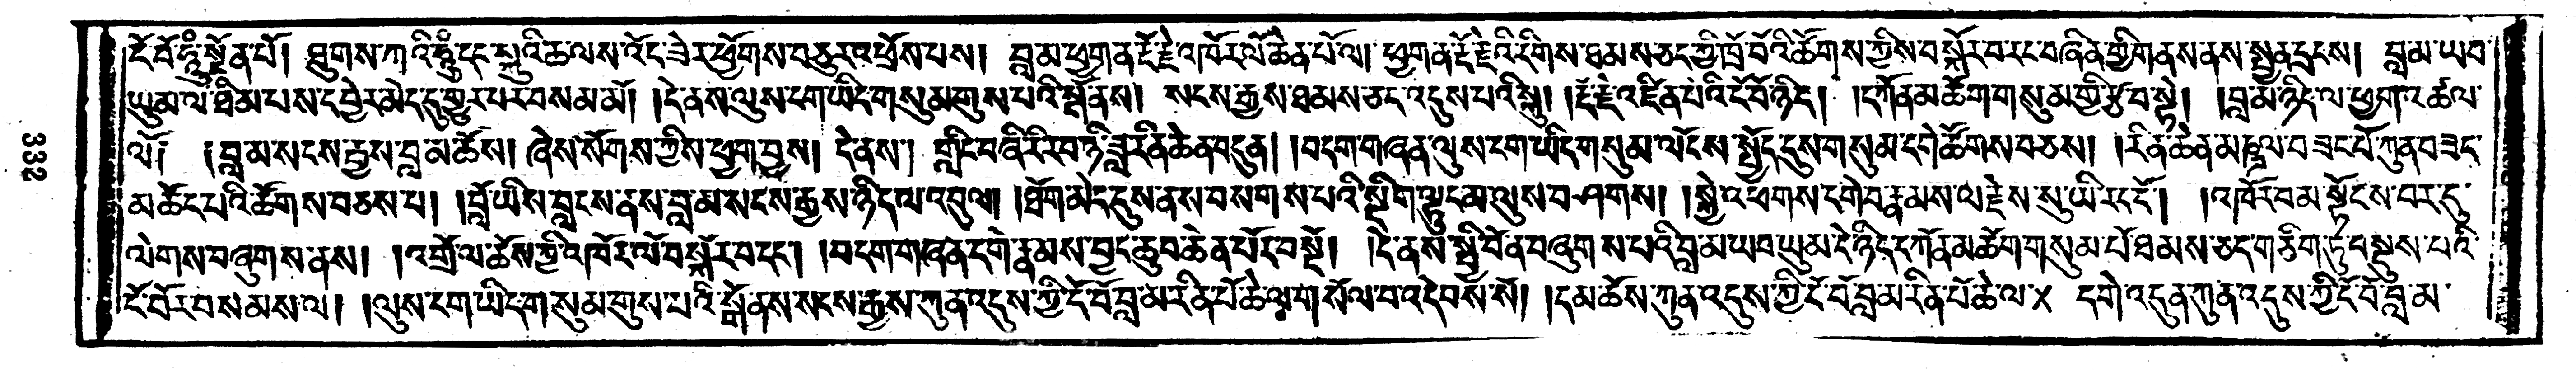ངོ་བོ་ཧཱུཾ་སྔོན་པོ། ཐུགས་ཀའི་ཧཱུཾ་དང་སྐུའི་ཆ་ལས་འོད་ཟེར་ཕྱོགས་བཅུར་འཕྲོས་པས། བླ་མ་ཕྱག་ན་རྡོ་རྗེ་འཁོར་ལོ་ཆེན་པོ་ལ། ཕྱག་ན་རྡོ་རྗེའི་རིགས་ཐམས་ཅད་ཀྱི་ཁྲོ་བོའི་ཚོགས་ཀྱིས་བསྐོར་བ་རང་བཞིན་གྱི་གནས་ནས་སྤྱན་དྲངས། བླ་མ་ཡབ་
ཡུམ་ལ་ཐིམ་པས་དབྱེར་མེད་དུ་གྱུར་པར་བསམ་མོ། །དེ་ནས་ལུས་ངག་ཡིད་གསུམ་གུས་པའི་སྒོ་ནས། སངས་རྒྱས་ཐམས་ཅད་འདུས་པའི་སྐུ། །རྡོ་རྗེ་འཛིན་པའི་ངོ་བོ་ཉིད། །དཀོན་མཆོག་གསུམ་གྱི་རྩ་བ་སྟེ། །བླ་མ་ཉིད་ལ་ཕྱག་འཚལ་ལོ༑ ༑བླ་མ་སངས་རྒྱས་བླ་མ་ཆོས། ཞེས་སོགས་ཀྱིས་ཕྱག་བྱས། དེ་ནས། གླིང་བཞི་རི་རབ་ཉི་ཟླ་རིན་ཆེན་བདུན། །བདག་གཞན་ལུས་ངག་ཡིད་གསུམ་ལོངས་སྤྱོད་དུས་གསུམ་དགེ་ཚོགས་བཅས། །རིན་ཆེན་མཎྜལ་བཟང་པོ་ཀུན་བཟང་
མཆོད་པའི་ཚོགས་བཅས་པ། །བློ་ཡིས་བླངས་ནས་བླ་མ་སངས་རྒྱས་ཉིད་ལ་འབུལ། །ཐོག་མེད་དུས་ནས་བསགས་པའི་སྡིག་ལྟུང་མ་ལུས་བཤགས། །སྐྱེ་འཕགས་དགེ་བ་རྣམས་ལ་རྗེས་སུ་ཡི་རང་ངོ། །འཁོར་བ་མ་སྟོངས་བར་དུ་
ལེགས་བཞུགས་ནས། །འགྲོ་ལ་ཆོས་ཀྱི་འཁོར་ལོ་བསྐོར་བ་དང་། །བདག་གཞན་དགེ་རྣམས་བྱང་ཆུབ་ཆེན་པོར་བསྔོ། །དེ་ནས་སྤྱི་བོ་ན་བཞུགས་པའི་བླ་མ་ཡབ་ཡུམ་དེ་ཉིད་དཀོན་མཆོག་གསུམ་པོ་ཐམས་ཅད་གཅིག་ཏུ་བསྡུས་པའི་
ངོ་བོར་བསམས་ལ། །ལུས་ངག་ཡིད་གསུམ་གུས་པའི་སྒོ་ནས་སངས་རྒྱས་ཀུན་འདུས་ཀྱི་ངོ་བོ་བླ་མ་རིན་པོ་ཆེ་ལ་གསོལ་བ་འདེབས་སོ། །དམ་ཆོས་ཀུན་འདུས་ཀྱི་ངོ་བོ་བླ་མ་རིན་པོ་ཆེ་ལ་྾་དགེ་འདུན་ཀུན་འདུས་ཀྱི་ངོ་བོ་བླ་མ་